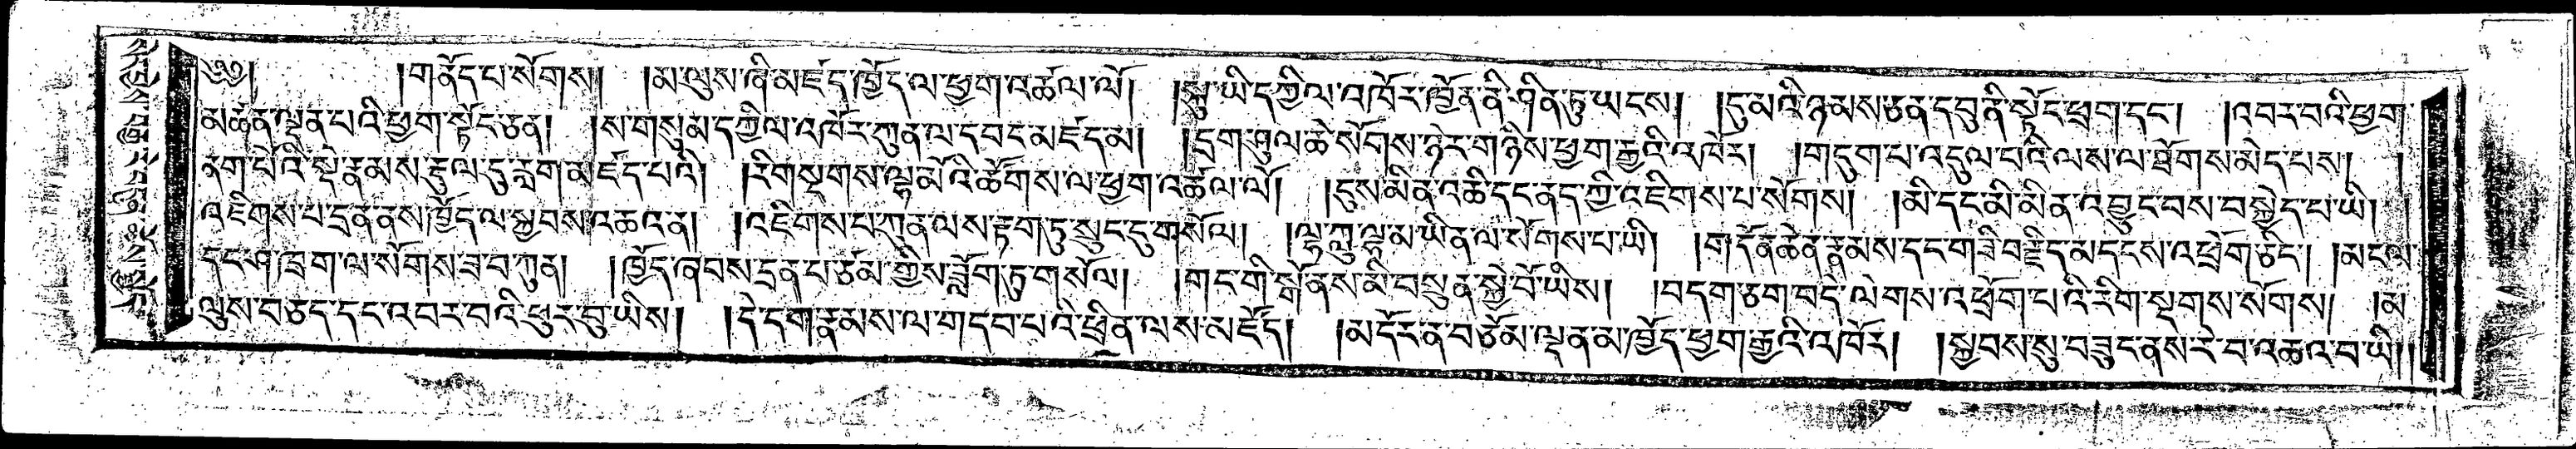༄༅། །གནོད་པ་སོགས། །མ་ལུས་ཞི་མཛད་ཁྱོད་ལ་ཕྱག་འཚལ་ལོ། །སྐུ་ཡི་དཀྱིལ་འཁོར་ཁྱོན་ནི་ཤིན་ཏུ་ཡངས། །དུ་མའི་ཉམས་ཅན་དབུ་ནི་སྟོང་ཕྲག་དང་། །འབར་བའི་ཕྱག་
མཚན་ལྡན་པའི་ཕྱག་སྟོང་ཅན། །ས་གསུམ་དཀྱིལ་འཁོར་ཀུན་ལ་དབང་མཛད་མ། །དྲག་ཤུལ་ཆེ་སོགས་ཉེར་གཉིས་ཕྱག་རྒྱའི་འཁོར། །གདུག་པ་འདུལ་བའི་ལས་ལ་ཐོགས་མེད་པས། །
ནག་པོའི་སྡེ་རྣམས་རྡུལ་དུ་རླག་མཛད་པའི། །རིག་སྔགས་ལྷ་མོའི་ཚོགས་ལ་ཕྱག་འཚལ་ལོ། །དུས་མིན་འཆི་དང་ནད་ཀྱི་འཇིགས་པ་སོགས། །མི་དང་མི་མིན་འབྱུང་བས་བསྐྱེད་པ་ཡི། །
འཇིགས་པ་དྲན་ནས་ཁྱོད་ལ་སྐྱབས་འཆའ་ན། །འཇིགས་པ་ཀུན་ལས་རྟག་ཏུ་སྲུང་དུ་གསོལ། །ལྷ་ཀླུ་ལྷ་མ་ཡིན་ལ་སོགས་པ་ཡི། །གདོན་ཆེན་རྣམས་དང་གཟི་བརྗིད་མདངས་འཕྲོག་ཅིང་། །མངལ་
དང་ཤ་ཁྲག་ལ་སོགས་ཟ་བ་ཀུན། །ཁྱོད་ཞབས་དྲན་པ་ཙམ་གྱིས་ཟློག་ཏུ་གསོལ། །གང་གི་སྒོ་ནས་མི་བསྲུན་སྐྱེ་བོ་ཡིས། །བདག་ཅག་བདེ་ལེགས་འཕྲོག་པའི་རིག་སྔགས་སོགས། །མ་
ལུས་བཅད་དང་འབར་བའི་ཕུར་བུ་ཡིས། །དེ་དག་རྣམས་ལ་གདབ་པའི་ཕྲིན་ལས་མཛོད། །མདོར་ན་བཅོམ་ལྡན་མ་ཁྱོད་ཕྱག་རྒྱའི་འཁོར། །སྐྱབས་སུ་བཟུང་ནས་རེ་བ་འཆའ་བ་ཡི། །